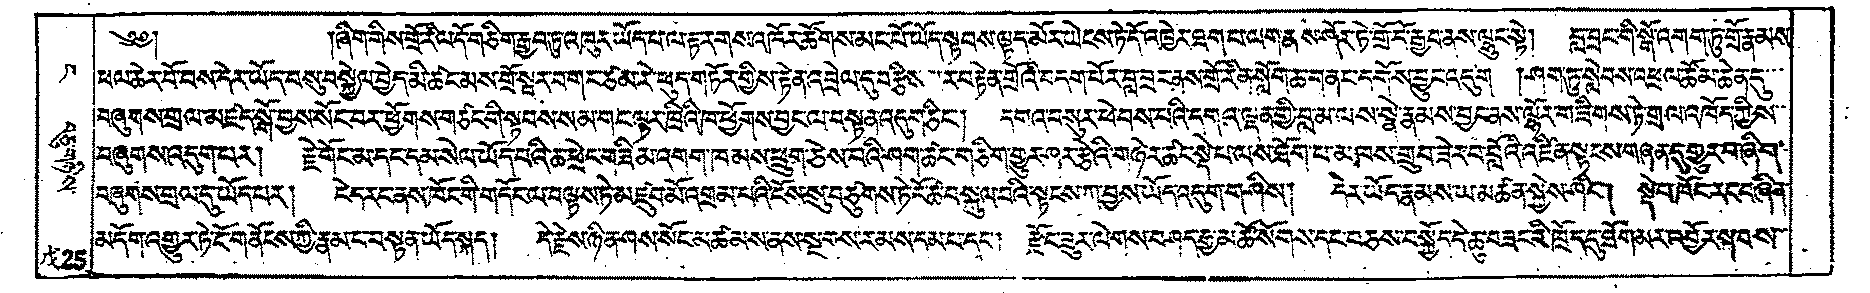༄༅། །ཞིག་གིས་གྲོ་རིལ་དོ་གཅིག་རྒྱབ་ཏུ་འཁུར་ཡོད་པ་ལ་རྟ་རགས་འཁོར་ཚོགས་མང་པོ་ཡོད་སྟབས་ལྟད་མོར་ཡེངས་ཏེ་དོ་འཁྱེར་ཐག་པ་ལག་ནས་ཤོར་ཏེ་གྲོ་དོ་རྒྱབ་ནས་ལྷུང་སྟེ། བླ་བྲང་གི་སྒོ་འགག་ཏུ་གྲོ་རྣམས་
ཕལ་ཆེར་བོ་བས་དེར་ཡོད་བསུ་བསྐྱེལ་བྱེད་མི་ཚང་མས་གྲོ་སྦར་བ་གང་ཙམ་རེ་ཕུད་གཏོར་གྱིས་རྟེན་འབྲེལ་དུ་བརྩིས་པར་བརྟེན་གྲོའི་བདག་པོར་བླ་བྲང་ནས་གྲོ་རིན་སློག་ཆ་གནང་དགོས་བྱུང་འདུག །ཤག་ཏུ་སླེབས་འཕྲལ་ཚོམ་ཆེན་དུ་
བཞུགས་གྲལ་མཛད་སྒོ་བྱས་སོང་བར་ཕྱོགས་གཙང་གི་སྟབས་སམ་གང་ལྟར་ཁྲིའི་ཁ་ཕྱོགས་བྱང་ལ་བསྟན་འདུག་ཅིང་། དགའ་བསུར་ཕེབས་པའི་དགའ་ལྡན་གྱི་བླ་མ་ལས་སྣེ་རྣམས་བྱང་ནས་ལྷོར་གཟིགས་ཏེ་གྲལ་འཁོད་ཀྱིས་
བཞུགས་འདུག་པར། རྗེ་གོང་མ་དང་དམ་སེལ་ཡོད་པའི་ཆ་ཕྲེང་གཟིམ་འགག་ཁམས་ཕྲུག་ཅེས་པའི་ཤག་ཚང་གཅིག་གྱུར་ཤར་རྩེའི་གཉེར་ཚང་སྡེ་པ་ལས་ཐོག་པ་མཁས་གྲུབ་ཟེར་བ་བློའི་འཛིན་སྟངས་གཞན་དུ་གྱུར་བ་ཞིག་
བཞུགས་གྲལ་དུ་ཡོད་པར། ངེད་རང་ནས་ཁོང་གི་གདོང་ལ་བལྟས་ཏེ་མཛུབ་མོ་འགྲམ་པའི་ངོས་སུ་བཙུགས་ཏེ་ངོ་ཚ་བསྐུལ་བའི་སྟངས་ཀ་བྱས་ཡོད་འདུག་གཤིས། དེར་ཡོད་རྣམས་ཡ་མཚན་སྐྱེས་ཤིང་། སྡེབ་ཁོང་རང་བཞིན་
མདོག་འགྱུར་ཏེ་ངོ་གནོངས་ཀྱི་རྣམ་པ་བསྟན་ཡོད་སྐད། དེ་རྗེས་ཉིན་ཤས་སོང་མཚམས་ནས་སྔགས་རམས་དམ་པ་དང་། རྫོང་ཟུར་ལེགས་བཤད་རྒྱ་མཚོ་སོགས་དང་བཅས་བསྐྱོད་དེ་ཆུ་བཟང་རི་ཁྲོད་དུ་ཐོག་མར་འབྱོར་སྐབས་